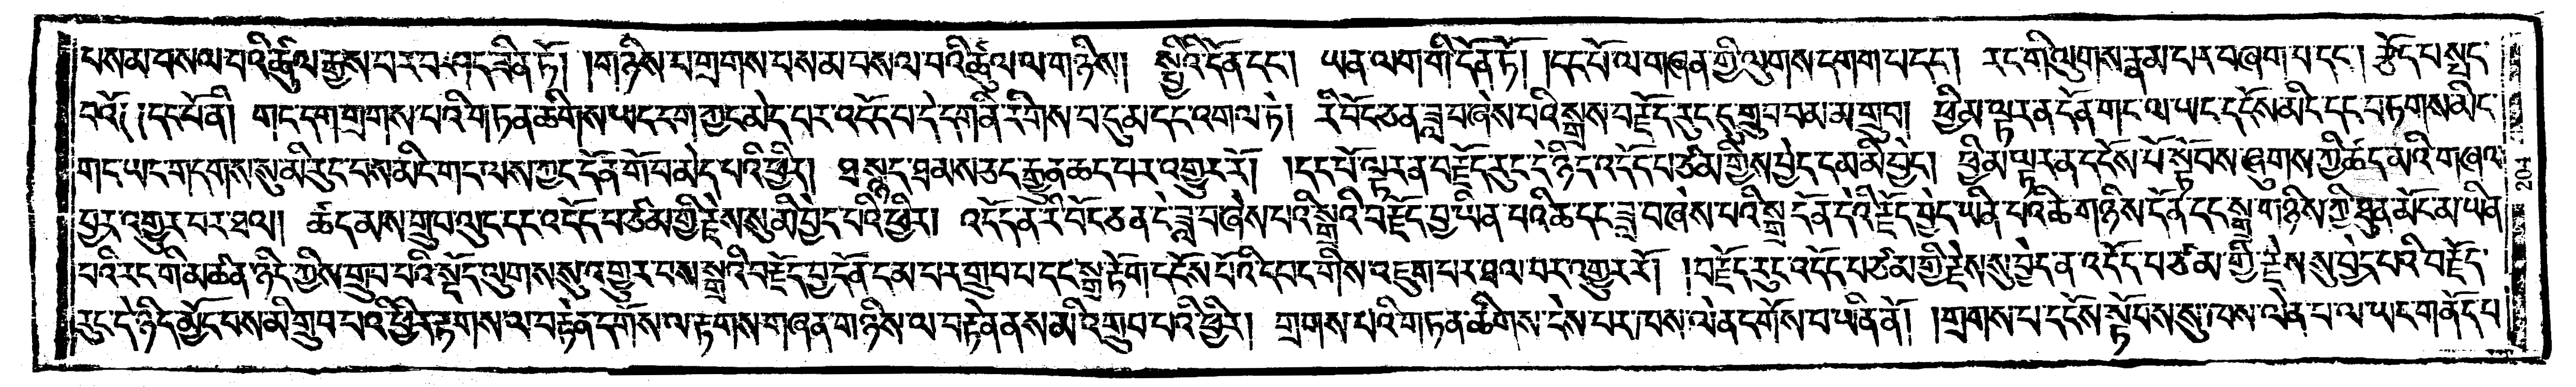པས་མ་བསལ་བའི་ཚུལ་རྒྱས་པར་བཤད་ཟིན་ཏོ། །གཉིས་པ་གྲགས་པས་མ་བསལ་བའི་ཚུལ་ལ་གཉིས། སྤྱིའི་དོན་དང་། ཡན་ལག་གི་དོན་ཏོ། །དང་པོ་ལ་གཞན་གྱི་ལུགས་དགག་པ་དང་། རང་གི་ལུགས་རྣམ་པར་བཞག་པ་དང་། རྩོད་པ་སྤང་
བའོ༑ ༑དང་པོ་ནི། གང་དག་གྲགས་པའི་གཏན་ཆིགས་ཡང་དག་ཀྱང་མེད་པར་འདོད་པ་དེ་དག་ནི་རིགས་བ་དུ་མ་དང་འགལ་ཏེ། རི་བོང་ཅན་ཟླ་བ་ཞེས་པའི་སྒྲས་བརྗོད་རུང་དུ་གྲུབ་བམ་མ་གྲུབ། ཕྱི་མ་ལྟར་ན་དོན་གང་ལ་ཡང་དངོས་མིང་དང་བཏགས་མིང་
གང་ཡང་གདགས་སུ་མི་རུང་བས་མིང་གང་ལས་ཀྱང་དོན་གོ་བ་མེད་པའི་ཕྱིར། ཐ་སྙད་ཐམས་ཅད་རྒྱུན་ཆད་པར་འགྱུར་རོ། །དང་པོ་ལྟར་ན་བརྗོད་རུང་དེ་ཉི་དེ་འདོད་པ་ཙམ་གྱིས་བྱེད་དམ་མི་བྱེད། ཕྱི་མ་ལྟར་ན་དངོས་པོ་སྟོབས་ཞུགས་ཀྱི་ཚད་མའི་གཞལ་
བྱར་འགྱུར་བར་ཐལ། ཚད་མས་གྲུབ་ལུང་དང་འདོད་པ་ཙམ་གྱི་རྗེས་སུ་མི་བྱེད་པའི་ཕྱིར། འདོད་ན་རི་བོང་ཅན་དེ་ཟླ་བ་ཞེས་པའི་སྒྲའི་བརྗོད་བྱ་ཡིན་པའི་ཆ་དང་ཟླ་བ་ཞེས་པའི་སྒྲ་དོན་དེའི་རྗོད་བྱེད་ཡིན་པའི་ཆ་གཉིས་དོན་དང་སྒྲ་གཉིས་ཀྱི་ཐུན་མོང་མ་ཡིན་
པའི་རང་གི་མཚན་ཉིད་ཀྱིས་གྲུབ་པའི་སྡོད་ལུགས་སུ་འགྱུར་བས་སྒྲའི་བརྗོད་བྱ་དོན་དམ་པར་གྲུབ་པ་དང་སྒྲ་རྟོག་དངོས་པོའི་དབང་གིས་འཇུག་པར་ཐལ་བར་འགྱུར་རོ། །བརྗོད་རུང་འདོད་པ་ཙམ་གྱི་རྗེས་སུ་བྱེད་ན་འདོད་པ་ཙམ་གྱི་རྗེས་སུ་བྱེད་པའི་བརྗོད་
རུང་དེ་ཉིད་མྱོང་བས་མི་གྲུབ་པའི་ཕྱིར་རྟགས་ལ་བརྟེན་དགོས་ལ་རྟགས་གཞན་གཉིས་ལ་བརྟེན་ནས་མི་འགྲུབ་པའི་ཕྱིར། གྲགས་པའི་གཏན་ཚིགས་ངེས་པར་ཁས་ལེན་དགོས་པ་ཡིན་ནོ། །གྲགས་པ་དངོས་སྟོབས་སུ་ཁས་ལེན་པ་ལ་ཡང་གནོད་པ་